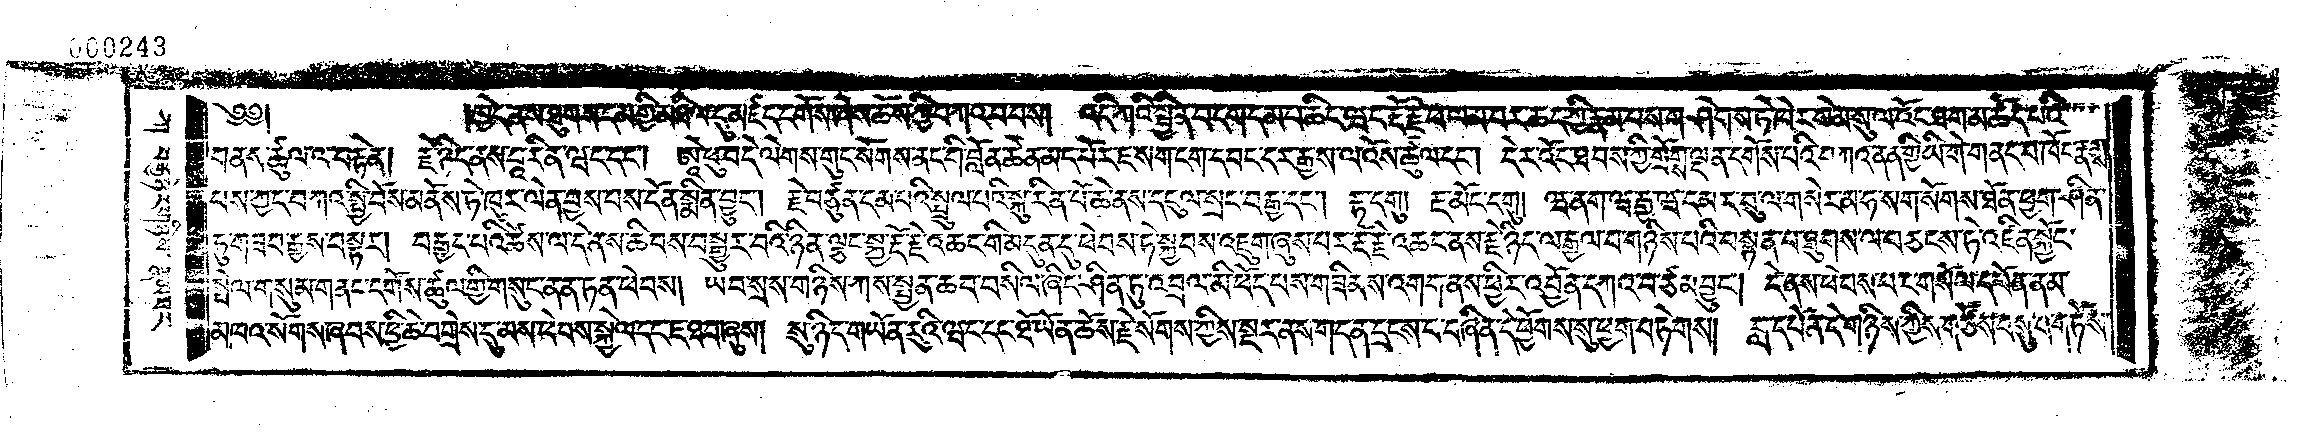༄༅། །ཁྱེད་ནས་ཐུགས་དམ་གྱི་མཐིལ་དུ་མཛད་དགོས་ཞེས་ཆོས་ཀྱི་བཀའ་བབས། འདི་ཀའི་སྦྱིན་བདག་དམ་པ་ཆིང་ཝང་རྡོ་རྗེ་ཕ་ལམ་བར་ཆད་ཀྱི་རྣམ་པས་གཤེགས་ཏེ་ཁེར་གེམ་སུ་ལ་འོང་ཐག་མཆོད་པའི་
གནས་ཚུལ་ལ་བརྟེན། རྗེ་ཉིད་ནས་པཱ་རིན་ཝང་དང་། E་ཕུ་བདེ་ལེགས་གུང་སོགས་ནང་གི་བློན་ཆེན་མང་པོར་ཇ་སག་ངག་དབང་དར་རྒྱས་ལ་འོས་ཚུལ་དང་། དེར་འོང་ཐབས་ཀྱི་གྲོགས་ལྡན་དགོས་པའི་བཀའ་ནན་གྱི་ཡི་གེ་གནང་བ་ཁོང་རྣམས་
པས་ཀྱང་བཀའ་སྤྱི་བོས་མནོས་ཏེ་ཁུར་ལེན་བྱས་པས་དོན་སྨིན་བྱུང་། རྗེ་བཙུན་དམ་པའི་སྤྲུལ་པའི་སྐུ་རིན་པོ་ཆེ་ནས་དངུལ་སྲང་བརྒྱ་དང་། རྟ་དགུ། རྔ་མོང་དགུ། ཝ་ནག་ཝ་རྒྱ་ཝ་དམར་བུ་ལ་གསེར་མ་ཧ་སག་སོགས་ཐོན་ཕྱག་ཤིན་
ཏུ་གཟབ་རྒྱས་བསྟར། བརྒྱད་པའི་ཚེས་ལ་དེ་ནས་ཆིབས་བསྒྱུར་བའི་ཉིན་ལྕང་སྐྱ་རྡོ་རྗེ་འཆང་གི་མདུན་དུ་ཕེབས་ཏེ་སྐྱབས་འཇུག་ཞུས་པར་རྡོ་རྗེ་འཆང་ནས་རྗེ་ཉིད་ལ་རྒྱལ་བ་གཉིས་པའི་བསྟན་པ་ཐུགས་ལ་བཅངས་ཏེ་འཛིན་སྐྱོང་
སྤེལ་གསུམ་གནང་དགོས་ཚུལ་གྱི་གསུང་ནན་ཏན་ཕེབས། ཡབ་སྲས་གཉིས་ཀས་སྤྱན་ཆབ་བསིལ་ཞིང་ཤིན་ཏུ་འབྲལ་མི་ཕོད་པས་གཟིམས་འགག་ནས་ཕྱིར་འབྱོན་དཀའ་བ་ཙམ་བྱུང་། དེ་ནས་ཕེབས་པར་གསོལ་དཔོན་ནམ་
མཁའ་སོགས་ཞབས་ཕྱི་ཆེ་བགྲེས་དུ་མས་ཕེབས་སྐྱེལ་དང་ཇ་ཐ་བ་ཞུས། སུ་ཉིད་གཡོན་རུའི་ཝང་དང་ཐོ་ཡོན་ཆོས་རྗེ་སོགས་ཀྱིས་སྔར་ནས་གདན་དྲངས་པ་བཞིན་དེ་ཕྱོགས་སུ་ཕྱག་བཏེགས། བླ་དཔོན་དེ་གཉིས་ཀྱིས་གཙོས་བསུ་བ་གཏོས་